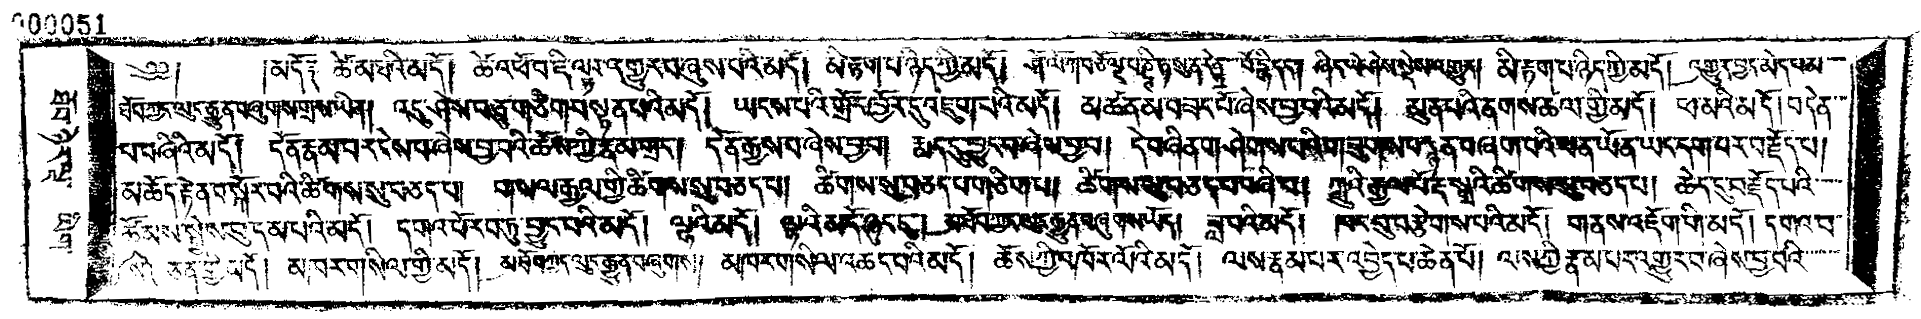༄༅། །མདོ༑ ཚེ་མཐའི་མདོ། ཚེ་འཕོ་བ་ཇི་ལྟར་འགྱུར་བ་ཞུས་པའི་མདོ། མི་རྟག་པ་ཉིད་ཀྱི་མདོ། ཤོ་ལོ་ཀ་བཅོ་ལྔ་པ་ཎྚི་ཏ་སུན་རེནྟྲ་བོ་དྷི་དང་། ཞིང་ཡེ་ཤེས་སྡེས་འགྱུར།  མི་རྟག་པ་ཉིད་ཀྱི་མདོ། གྱུར་བྱད་མེད་པ་མ་
ཐོབ་ཀྱང་ལུང་རྒྱུན་བཞུགས་གྲས་ཡིན། འདུ་ཤེས་བཅུ་གཅིག་བསྟན་པའི་མདོ། ཡངས་པའི་གྲོང་ཁྱོར་དུ་འཇུག་པའི་མདོ། མཚན་མ་བཟང་པོ་ཞེས་བྱ་བའི་མདོ། མུན་པའི་ནགས་ཚལ་གྱི་མདོ། ཕ་མའི་མདོ། བདེན་
པ་བཞིའི་མདོ། དོན་རྣམ་བར་ངེས་པ་ཞེས་བྱ་བའི་ཆོས་ཀྱི་རྣམ་གྲང་། དོན་རྒྱས་པ་ཞེས་བྱ། རྨད་དུ་བྱུང་བ་ཞེས་བྱ་བ། དེ་བཞིན་གཤེགས་པའི་གཟུགས་བརྙན་བཞག་པའི་ཕན་ཡོན་ཡང་དག་པར་བརྗོད་པ།
མཆོད་རྟེན་བསྐོར་བའི་ཚིགས་སུ་ཅད་པ། གསལ་རྒྱལ་གྱི་ཚིགས་སུ་བཅད་པ། ཚིགས་སུ་བཅད་པ་གཅིག་པ། ཚིགས་སུ་བཅད་པ་བཞི་པ། ཀླུའི་རྒྱལ་པོ་རྡ་སྒྲའི་ཚིགས་སུ་བཅད་པ། ཆེད་དུ་བརྗོད་པའི་
ཚོམས་སྐྱེས་བུ་དམ་པའི་མདོ། དགའ་པོ་རབ་ཏུ་བྱུང་བའི་མདོ། ལྷའི་མདོ། ལྷའི་མདོ་ཉུང་ངུ་མ་ཐོབ་ཀྱང་ལུང་རྒྱུན་བཞུགས་ཡོད།  ཟླ་བའི་མདོ། ཁང་བུ་བརྩེགས་པའི་མདོ། གནས་འཇོག་གི་མདོ། དགའ་བ་
༼ས༽ ཅན་གྱི་མདོ། མཁར་གསིལ་གྱི་མདོ་མ་ཐོབ་ཀྱང་ལུང་རྒྱུན་བཞུགས།  མཁར་གསིལ་འཆང་བའི་མདོ། ཆོས་ཀྱི་འཁོར་ལོའི་མདོ། ལས་རྣམ་པར་འབྱེད་པ་ཆེན་པོ། ལས་ཀྱི་རྣམ་པར་འགྱུར་བ་ཞེས་བྱ་བའི་